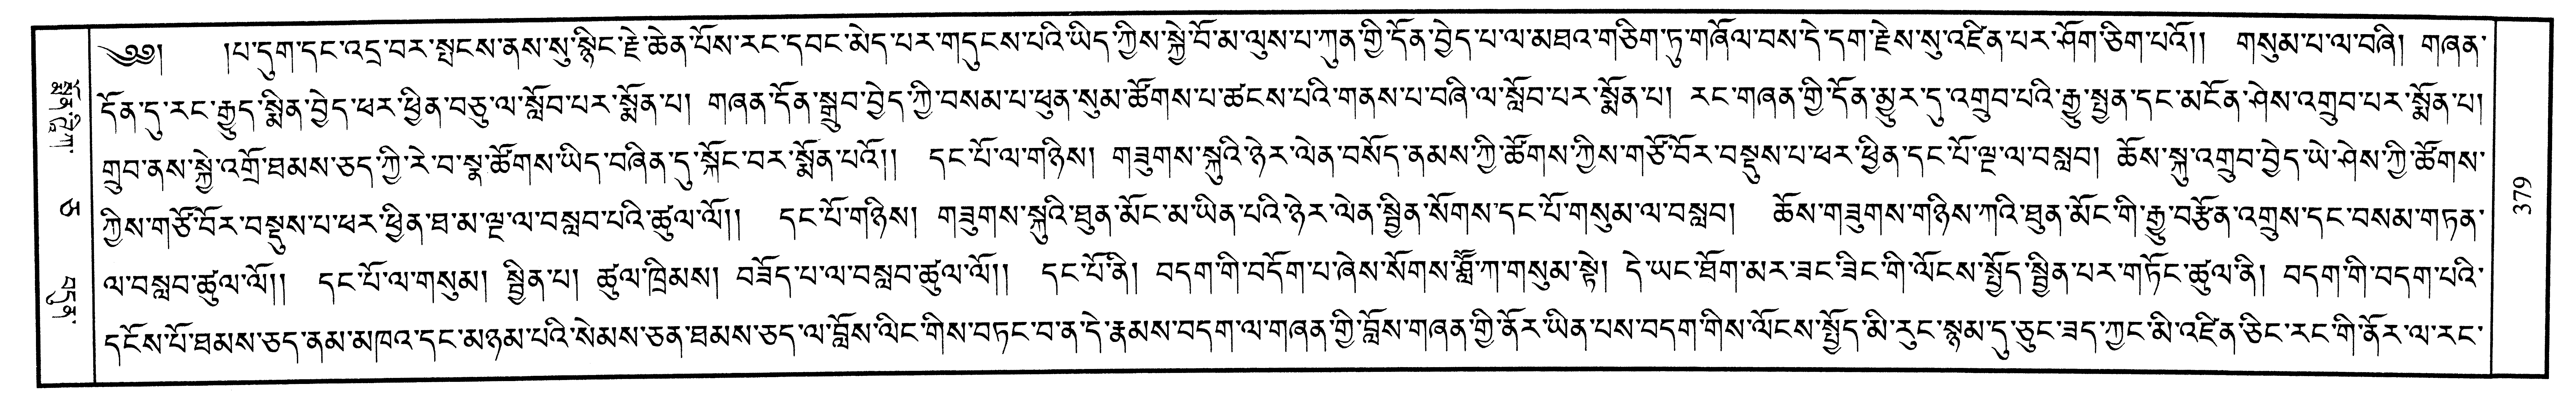༄༅། །པ་དུག་དང་འདྲ་བར་སྤངས་ནས་སུ་སྙིང་རྗེ་ཆེན་པོས་རང་དབང་མེད་པར་གདུངས་པའི་ཡིད་ཀྱིས་སྐྱེ་བོ་མ་ལུས་པ་ཀུན་གྱི་དོན་བྱེད་པ་ལ་མཐའ་གཅིག་ཏུ་གཞོལ་བས་དེ་དག་རྗེས་སུ་འཛིན་པར་ཤོག་ཅིག་པའོ།། གསུམ་པ་ལ་བཞི། གཞན་
དོན་དུ་རང་རྒྱུད་སྨིན་བྱེད་ཕར་ཕྱིན་བཅུ་ལ་སློབ་པར་སྨོན་པ། གཞན་དོན་སྒྲུབ་བྱེད་ཀྱི་བསམ་པ་ཕུན་སུམ་ཚོགས་པ་ཚངས་པའི་གནས་པ་བཞི་ལ་སློབ་པར་སྨོན་པ། རང་གཞན་གྱི་དོན་མྱུར་དུ་འགྲུབ་པའི་རྒྱུ་སྤྱན་དང་མངོན་ཤེས་འགྲུབ་པར་སྨོན་པ།
གྲུབ་ནས་སྐྱེ་འགྲོ་ཐམས་ཅད་ཀྱི་རེ་བ་སྣ་ཚོགས་ཡིད་བཞིན་དུ་སྐོང་བར་སྨོན་པའོ།། དང་པོ་ལ་གཉིས། གཟུགས་སྐུའི་ཉེར་ལེན་བསོད་ནམས་ཀྱི་ཚོགས་ཀྱིས་གཙོ་བོར་བསྡུས་པ་ཕར་ཕྱིན་དང་པོ་ལྔ་ལ་བསླབ། ཆོས་སྐུ་འགྲུབ་བྱེད་ཡེ་ཤེས་ཀྱི་ཚོགས་
ཀྱིས་གཙོ་བོར་བསྡུས་པ་ཕར་ཕྱིན་ཐ་མ་ལྔ་ལ་བསླབ་པའི་ཚུལ་ལོ།། དང་པོ་གཉིས། གཟུགས་སྐུའི་ཐུན་མོང་མ་ཡིན་པའི་ཉེར་ལེན་སྦྱིན་སོགས་དང་པོ་གསུམ་ལ་བསླབ། ཆོས་གཟུགས་གཉིས་ཀའི་ཐུན་མོང་གི་རྒྱུ་བརྩོན་འགྲུས་དང་བསམ་གཏན་
ལ་བསླབ་ཚུལ་ལོ།། དང་པོ་ལ་གསུམ། སྦྱིན་པ། ཚུལ་ཁྲིམས། བཟོད་པ་ལ་བསླབ་ཚུལ་ལོ།། དང་པོ་ནི། བདག་གི་བདོག་པ་ཞེས་སོགས་ཤླཽ་ཀ་གསུམ་སྟེ། དེ་ཡང་ཐོག་མར་ཟང་ཟིང་གི་ལོངས་སྤྱོད་སྦྱིན་པར་གཏོང་ཚུལ་ནི། བདག་གི་བདག་པའི་
དངོས་པོ་ཐམས་ཅད་ནམ་མཁའ་དང་མཉམ་པའི་སེམས་ཅན་ཐམས་ཅད་ལ་བློས་ལིང་གིས་བཏང་བ་ན་དེ་རྣམས་བདག་ལ་གཞན་གྱི་བློས་གཞན་གྱི་ནོར་ཡིན་པས་བདག་གིས་ལོངས་སྤྱོད་མི་རུང་སྙམ་དུ་ཅུང་ཟད་ཀྱང་མི་འཛིན་ཅིང་རང་གི་ནོར་ལ་རང་